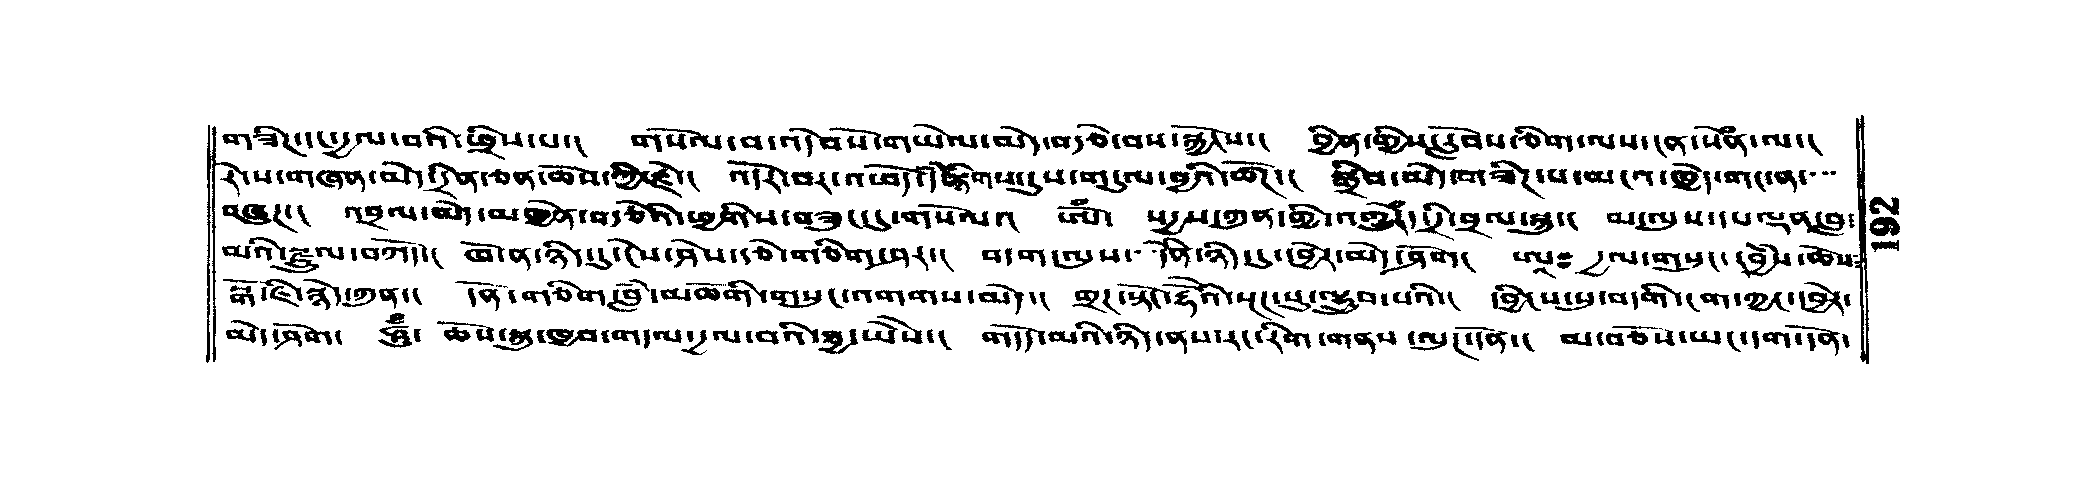གཟིགས་དང་རྒྱལ་བའི་ཕྲིན་ལས་པ། །གསོལ་བ་འདེབས་སོ་གཡེལ་མེད་བརྩེ་བས་སྐྱོངས། །བྱིན་གྱིས་རློབས་ཤིག་ལས་ངན་སེམས་ཅན་ལ། །
རེ་ས་གཞན་མེད་དྲིན་ཅན་ཆོས་ཀྱི་རྗེ། །འདོར་བར་འཕོད་དམ་སྙིགས་དུས་གདུལ་བྱའི་ཚོགས། །སྒྲིབ་མེད་གཟིགས་པ་མངའ་ཁྱེད་གང་ན་
བཞུགས། །འབྲལ་མེད་མཁྱེན་བརྩེའི་ཕྱག་གིས་བཟུང་དུ་གསོལ། ཨོཾ། སངས་རྒྱས་ཀུན་གྱི་འགྱུར་མེད་དྲི་བྲལ་སྐུ། །མ་ལུས་དཔལ་ལྡན་བླ་
མའི་རྫུ་འཕྲུལ་བཀོད། །ཁོ་ན་ཉིད་དུ་ངེས་ཤེས་རྩེ་གཅིག་ཤར། །བདག་ལུས་དེ་བཞིན་ཉིད་དུ་དབྱེར་མེད་ཤོག ཨཱཿ རྒྱལ་གསུང་རབ་འབྱམས་ཆོས་
སྒོ་ཇི་སྙེད་ཀུན། །དོན་གཅིག་བླ་མ་མཆོག་གི་གསུང་འགགས་མེད། །གྲགས་སྟོང་རྡོ་རྗེའི་སྔགས་སུ་ལྷུན་གྲུབ་པའི། །དབྱིངས་སུ་བདག་གི་ངག་ཀྱང་དབྱེར་
མེད་ཤོག ཧཱུྃ། ཆོས་སྐུ་ཁྱབ་གདལ་རྒྱལ་བའི་ཐུགས་ཡེ་ཤེས། །གདོད་མ་ཉིད་ནས་རང་རིག་གནས་ལུགས་དོན། །མ་བཅོས་ཡང་དག་དོན་